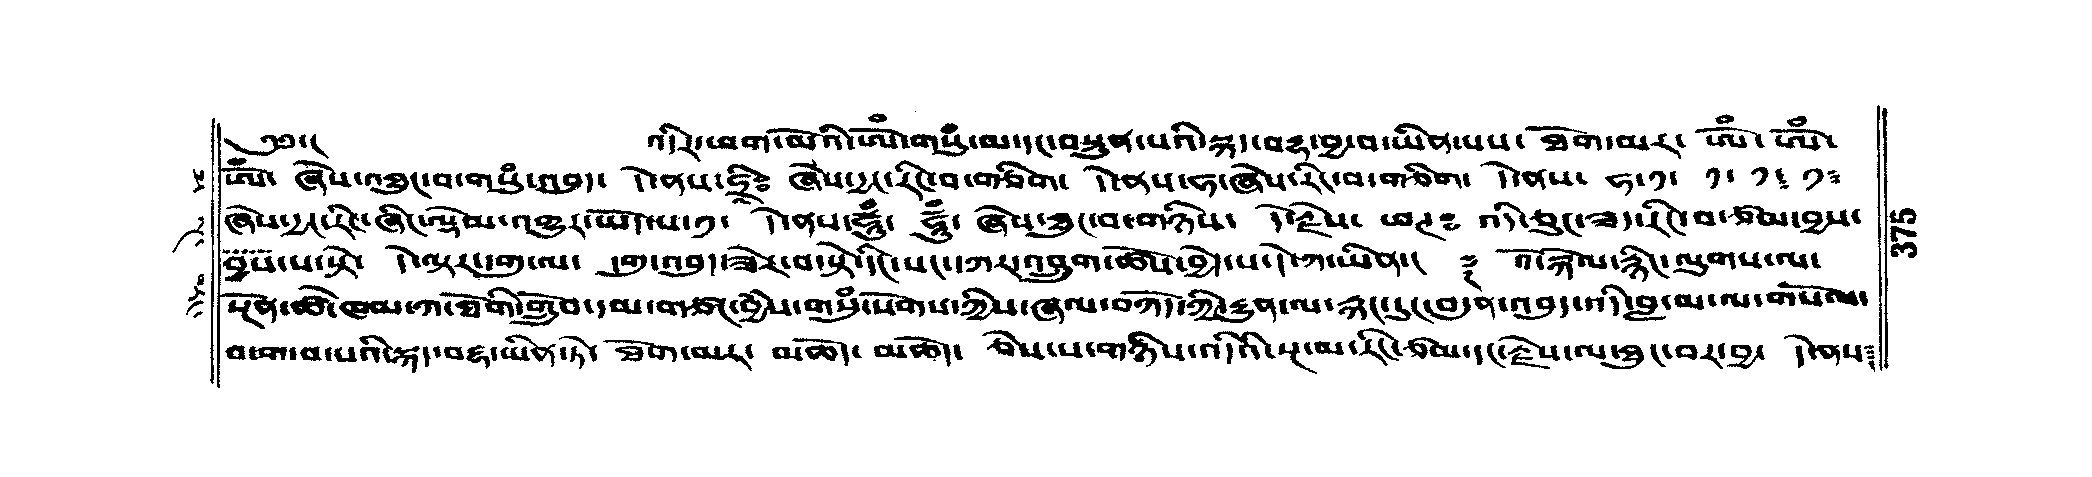འདིར་ཕག་མོའི་ཨོཾ་གསུམ་མ་དང་བསྟུན་པའི་སྐད་བརྡ་བྱ་བ་ཡིན་པས། ཐོག་མར། ཨོཾ་ཨོཾ་
ཨོཾ། ཞེས་འཐུང་བ་གསུམ་འབུད། དེ་ནས་ཧྲཱིཿ ཞེས་རྒྱང་རིང་བ་གཅིག དེ་ནས་ཧ་ཞེས་རིང་བ་ཅིག དེ་ནས་ཧ་གཅིག གཅིག གཅིག༴ གཅིག༴ 
ཞེས་རྒྱང་རིང་ཞིང་ལྡེམ་འགྱུར་ཡོད་པ་གཅིག དེ་ནས་ཧཱུྃ། ཧཱུྃ། ཞེས་ཐུང་ན་གཉིས། དེ་རྗེས།ཕཊའ འདི་ཅུང་ཟད་རིང་བ་ཙམ་བྱས་
བྱས་པ་སྟེ། དེ་ལྟར་དགུ་ལ། དགུ་འབུད་ཟེར་བ་སྟེ་དིང་སང་དཀར་འབྲུག་ཚོས་བྱེད་པ་དེ་ཀ་ཡིན། ༈ འོ་སྐོལ་རྙིང་ལུགས་ལ། 
སྔོན་ཚེ་ཁམ་ཀ་ཐོག་གི་གྲུབ་ཐོབ་དམ་གཙང་བྱམས་གསུམ་སོགས་ཀྱིས་ཞལ་བཀོད་ཀྱི་རྒྱུན་ལ་རྐང་དུང་བདུན་འབུད་འདི་བླ་མ་ལ་གསོལ་
བ་གདབ་པའི་སྐད་བརྡ་ཡིན་ཏེ། ཐོག་མར། མཆོད། མཆོད། ཅེས་པ་གཉིས་འདིའི་སྔ་མ་རིང་ཙམ་དང་རྗེས་ལ་ཐུང་བར་བྱ། དེ་ནས་